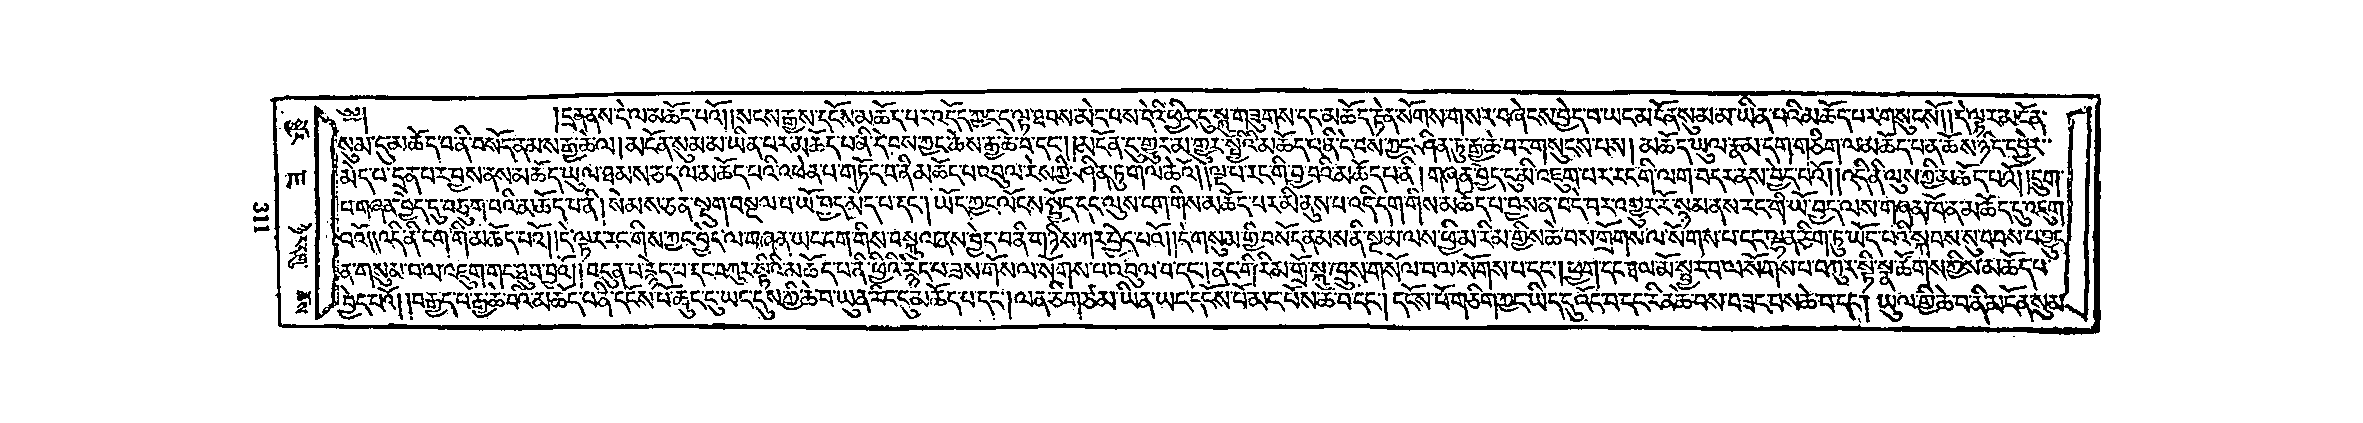༄༅། །དྲན་ནས་དེ་ལ་མཆོད་པའོ། །སངས་རྒྱས་དངོས་མཆོད་པར་འདོད་ཀྱང་ད་ལྟ་ཐབས་མེད་པས་དེའི་ཕྱིར་དུ་སྐུ་གཟུགས་དང་མཆོད་རྟེན་སོགས་གསར་བཞེངས་བྱེད་བ་ཡང་མངོན་སུམ་མ་ཡིན་པའི་མཆོད་པར་གསུངས་སོ། །དེ་ལྟར་མངོན་
སུམ་དུ་མཆོད་པ་ནི་བསོད་ནམས་རྒྱ་ཆེ་ལ། མངོན་སུམ་མ་ཡིན་པར་མཆོད་པ་ནི་དེ་བས་ཀྱང་ཆེས་རྒྱ་ཆེ་བ་དང་། །མངོན་དུ་གྱུར་མ་གྱུར་སྤྱིའི་མཆོད་པ་ནི་དེ་བས་ཀྱང་ཤིན་ཏུ་རྒྱ་ཆེ་བར་གསུངས་པས། མཆོད་ཡུལ་རྣམ་དག་གཅིག་ལ་མཆོད་པ་ན་ཆོས་ཉིད་དབྱེར་
མེད་པ་དྲན་པར་བྱས་ནས་མཆོད་ཡུལ་ཐམས་ཅད་ལ་མཆོད་པའི་འཕེན་པ་གཏོང་བ་ནི་མཆོད་པ་འབུལ་རེས་ཀྱི་ཤིན་ཏུ་གལ་ཆེའོ། །ལྔ་པ་རང་གི་བྱ་བའི་མཆོད་པ་ནི། གཞན་བྱེད་དུ་མི་འཇུག་པར་རང་གི་ལག་བདར་ནས་བྱེད་པའོ། །འདི་ནི་ལུས་ཀྱི་མཆོད་པའོ། །དྲུག་
པ་གཞན་བྱེད་དུ་བཅུག་པའི་མཆོད་པ་ནི། སེམས་ཅན་སྡུག་བསྔལ་བ་ཡོ་བྱད་མེད་པ་དང་། ཡོད་ཀྱང་ལོངས་སྤྱོད་དང་ལུས་ངག་གིས་མཆོད་པར་མི་ནུས་པ་འདི་དག་གིས་མཆོད་པ་བྱས་ན་བདེ་བར་འགྱུར་རོ་སྙམ་ནས་རང་གི་ཡོ་བྱད་ལས་གཞན་ཁོ་ན་མཆོད་དུ་འཇུག་
བའོ། །འདི་ནི་ངག་གི་མཆོད་པའོ། །དེ་ལྟར་རང་གིས་ཀྱང་བྱེད་ལ་གཞན་ཡང་ངག་གིས་བསྐུལ་ནས་བྱེད་པ་ནི་གཉིས་ཀར་བྱེད་པའོ། །དེ་གསུམ་གྱི་བསོད་ནམས་ནི་སྔ་མ་ལས་ཕྱི་མ་རིམ་གྱིས་ཆེ་བས་གྲོགས་ལ་སོགས་པ་དང་ལྷན་ཅིག་ཏུ་ཡོད་པའི་སྐབས་སུ་བབས་པ་བྱུང་
ན་གསུམ་པ་ལ་འཇུག་གང་ཐུབ་བྱའོ། །བདུན་པ་རྙེད་པ་དང་བཀུར་སྟིའི་མཆོད་པ་ནི་ཕྱིའི་རྙེད་པ་ཟས་གོས་ལ་སོགས་པ་འབུལ་བ་དང་། ནང་གི་རིམ་གྲོ་སྐུ་ཁྲུས་གསོལ་བ་ལ་སོགས་པ་དང་། ཕྱག་དང་ཐལ་མོ་སྦྱར་བ་ལ་སོགས་པ་བཀུར་སྟི་སྣ་ཚོགས་ཀྱིས་མཆོད་པ་
བྱེད་པའོ། །བརྒྱད་པ་རྒྱ་ཆེ་བའི་མཆོད་པ་ནི་དངོས་པོ་ཆུང་དུ་ཡང་དུས་ཀྱི་ཆེ་བ་ཡུན་རིང་དུ་མཆོད་པ་དང་། ལན་ཅིག་ཙམ་ཡིན་ཡང་དངོས་པོ་མང་པོས་ཆ་བ་དང་། དངོས་པོ་གཅིག་ཀྱང་ཡིད་དུ་འོང་བ་དང་རིན་ཆེ་བས་བཟང་བས་ཆེ་བ་དང་། ཡུལ་གྱི་ཆེ་བ་ནི་མངོན་སུམ་